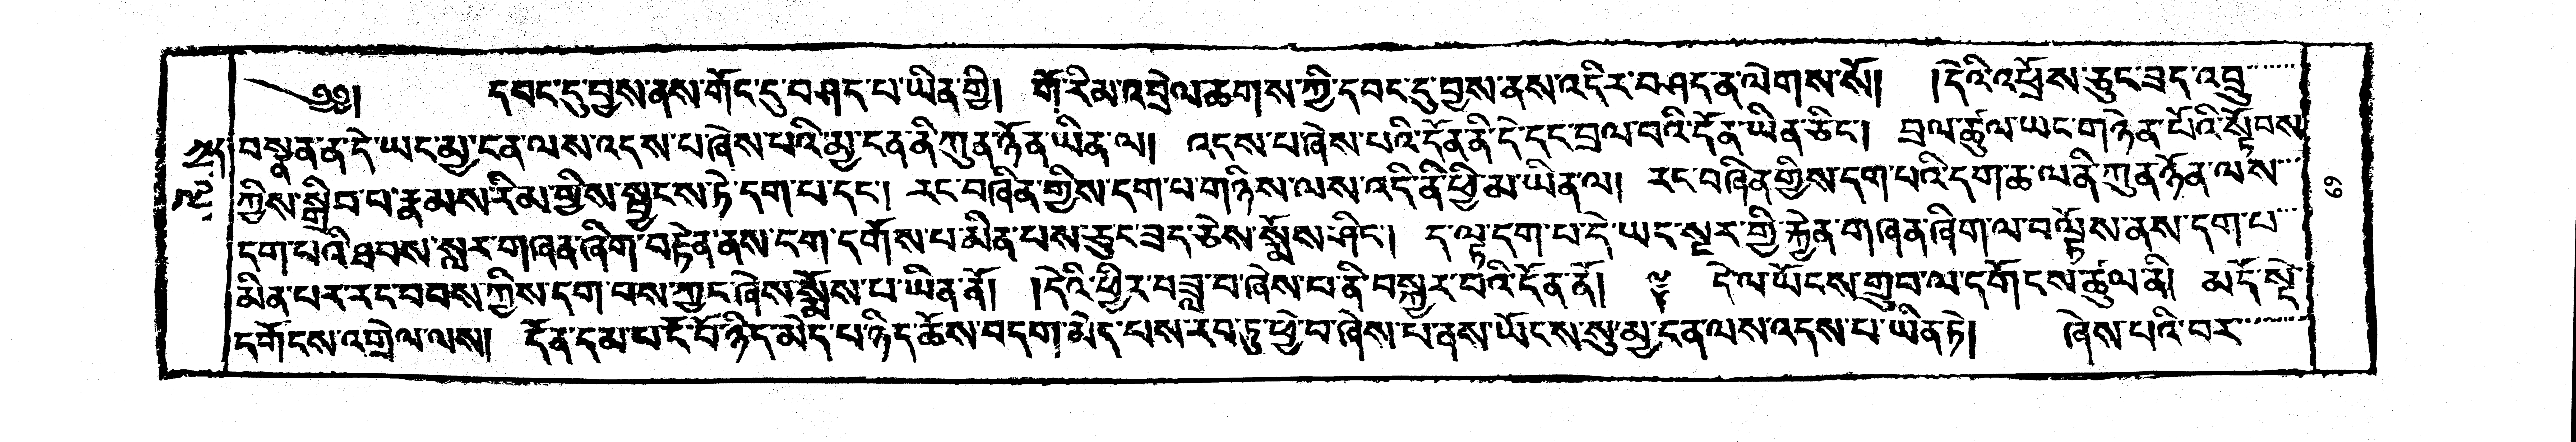༄༅། །དབང་དུ་བྱས་ནས་གོང་དུ་བཤད་པ་ཡིན་གྱི། གོ་རིམ་འབྲེལ་ཆགས་ཀྱི་དབང་དུ་བྱས་ནས་འདིར་བཤད་ན་ལེགས་སོ། །དེའི་འཕྲོས་ཅུང་ཟད་འབྲུ་
བསྣན་ན་དེ་ཡང་མྱ་ངན་ལས་འདས་པ་ཞེས་པའི་མྱ་ངན་ནི་ཀུན་ཉོན་ཡིན་ལ། འདས་པ་ཞེས་པའི་དོན་ནི་དེ་དང་བྲལ་བའི་དོན་ཡིན་ཅིང་། བྲལ་ཚུལ་ཡང་གཉེན་པོའི་སྟོབས་
ཀྱིས་སྒྲིབ་པ་རྣམས་རིམ་གྱིས་སྦྱངས་ཏེ་དག་པ་དང་། རང་བཞིན་གྱིས་དག་པ་གཉིས་ལས་འདི་ནི་ཕྱི་མ་ཡིན་ལ། རང་བཞིན་གྱིས་དག་པའི་དག་ཆ་ལ་ནི་ཀུན་ཉོན་ལས་
དག་པའི་ཐབས་སླར་གཞན་ཞིག་བརྟེན་ནས་དག་དགོས་པ་མིན་པས་ཅུང་ཟད་ཅེས་སྨོས་ཤིང་། ད་ལྟ་དག་པ་དེ་ཡང་སྔར་གྱི་རྐྱེན་གཞན་ཞིག་ལ་བལྟོས་ནས་དག་པ་
མིན་པར་རང་བབས་ཀྱིས་དག་པས་ཀྱང་ཞེས་སྨོས་པ་ཡིན་ནོ། །དེའི་ཕྱིར་བཟླ་བ་ཞེས་པ་ནི་བསྐྱར་བའི་དོན་ནོ། ༈ དེ་ལ་ཡོངས་གྲུབ་ལ་དགོངས་ཚུལ་ནི། མདོ་སྡེ་
དགོངས་འགྲེལ་ལས། དོན་དམ་པ་ངོ་བོ་ཉིད་མེད་པ་ཉིད་ཆོས་བདག་མེད་པས་རབ་ཏུ་ཕྱེ་བ་ཞེས་པ་ནས་ཡོངས་སུ་མྱ་ངན་ལས་འདས་པ་ཡིན་ཏེ། ཞེས་པའི་བར་